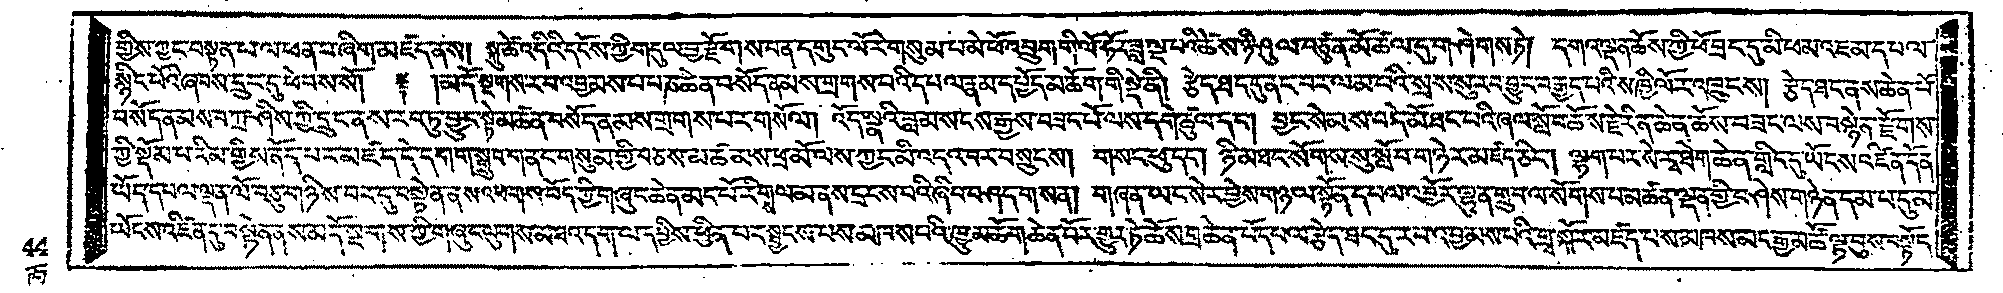གྱིས་ཀྱང་བསྟན་པ་ལ་ཕན་པ་ཞིག་མཛད་ནས། སྐུ་ཚེ་འདིའི་དངོས་ཀྱི་གདུལ་བྱ་རྫོགས་པ་ན་དགུང་ལོ་རེ་གསུམ་པ་མེ་ཕོ་འབྲུག་གི་ལོ་ཧོར་ཟླ་ལྔ་པའི་ཚེ་ཉི་ཤུལ་བཙུན་མོ་ཚལ་དུ་གཤེགས་ཏེ། དགའ་ལྡན་ཆོས་ཀྱི་ཕོ་བྲང་དུ་མི་ཕམ་འཇམ་དཔལ་
སྙིང་པོའི་ཞབས་དྲུང་དུ་ཕེབས་སོ། ༈ །མདོ་སྔགས་རབ་འབྱམས་པ་པཎ་ཆེན་བསོད་ནམས་གྲགས་པའི་དཔལ་རྣམ་དཔྱོད་མཆོག་གི་སྡེ་ནི། རྩེད་ཐང་དུ་ནང་བར་ལམ་པའི་སྲས་སུ་རབ་བྱུང་བརྒྱད་པའི་ས་ཁྱི་ལོར་འཁྲུངས། རྩེད་ཐང་ནས་ཆེན་པོ་
བསོད་ནམས་བཀྲ་ཤིས་ཀྱི་དྲུང་ནས་རབ་ཏུ་བྱུང་སྟེ་མཚན་བསོད་ནམས་གྲགས་པར་གསོལ། འོད་སྣའི་བླ་མ་སངས་རྒྱས་བཟང་པོ་ལས་དགེ་ཚུལ་དང་། བྱང་སེམས་བདེ་མོ་ཐང་པའི་ཞལ་སློབ་ཆོས་རྗེ་རིན་ཆེན་ཆོས་བཟང་ལས་བསྙེན་རྫོགས་
ཀྱི་སྡོམ་པ་རིམ་གྱིས་ནོད་པར་མཛད་དེ་དགག་སྒྲུབ་གནང་གསུམ་གྱི་བཅས་མཚམས་ཕྲ་མོ་ལས་ཀྱང་མི་འདའ་བར་བསྲུངས། གསང་ཕུ་དང་། ཉི་མ་ཐང་སོགས་སུ་སློབ་གཉེར་མཛད་ཅིང་། ལྷག་པར་སེ་རྭ་ཐེག་ཆེན་གླིང་དུ་ཡོངས་འཛིན་དོན་
ཡོད་དཔལ་ལྡན་ལོ་བཅུ་གཉིས་བར་དུ་བསྟེན་ནས་འཕགས་བོད་ཀྱི་གཞུང་ཆེན་མང་པོ་རིགས་ལམ་ནས་དྲངས་པའི་ཞིབ་བཤད་གསན། གཞན་ཡང་སེར་བྱེས་གཉལ་སྟོན་དཔལ་འབྱོར་ལྷུན་གྲུབ་ལ་སོགས་པ་མཚན་ལྡན་གྱི་བཤེས་གཉེན་དམ་པ་དུ་མ་
ཡོངས་འཛིན་དུ་བསྟེན་ནས་མདོ་སྔགས་ཀྱི་གཞུང་ལུགས་མཐའ་དག་ལ་དཔྱིས་ཕྱིན་པར་སྦྱངས་པས་མཁས་པའི་ཁྱུ་མཆོག་ཆེན་པོར་གྱུར་ཏེ་ཆོས་གྲ་ཆེན་པོ་དཔལ་རྩེད་ཐང་དུ་རབ་འབྱམས་པའི་གྲྭ་སྐོར་མཛད་པས་མཁས་མང་རྒྱ་མཚོ་ལྟ་བུས་བསྟོད་